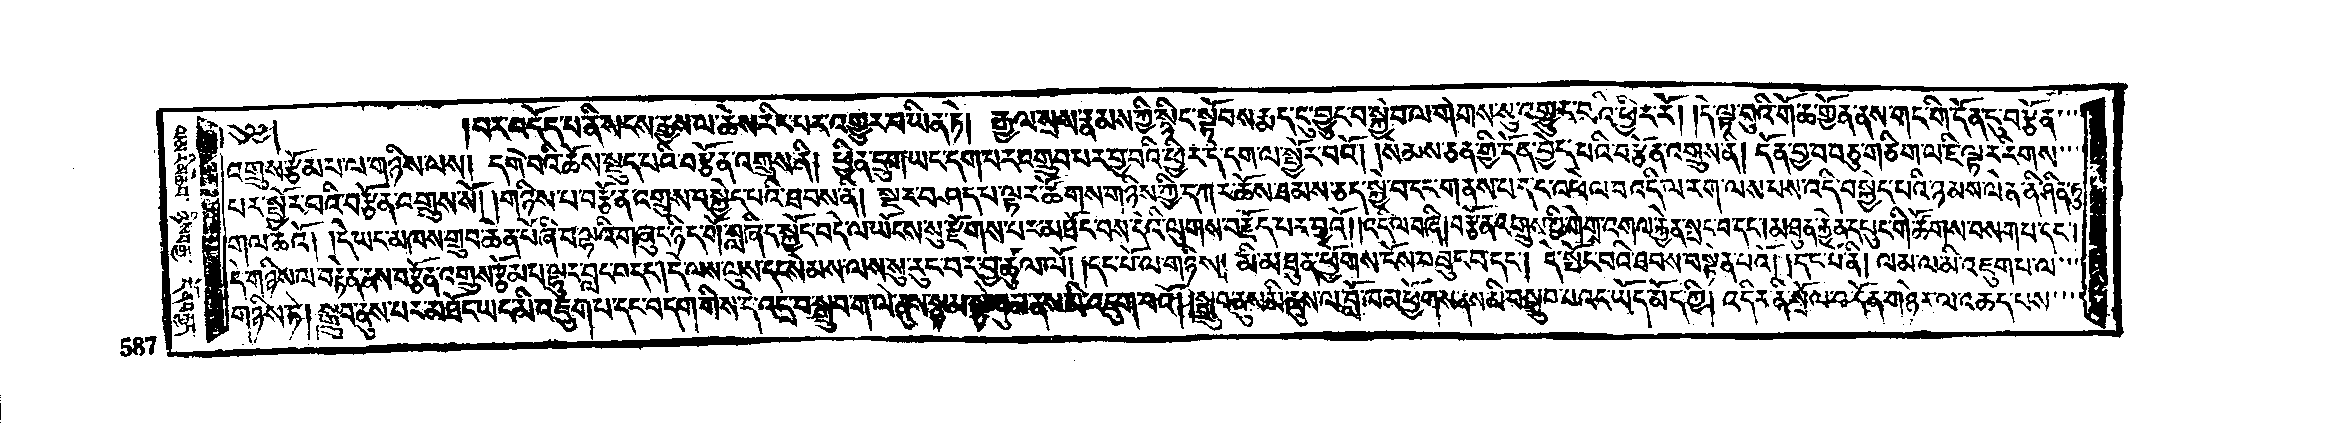༄༅། །བར་འདོད་པ་ནི་སངས་རྒྱས་ལ་ཆེས་རིང་བར་འགྱུར་བ་ཡིན་ཏེ། རྒྱལ་སྲས་རྣམས་ཀྱི་སྙིང་སྟོབས་རྨད་དུ་བྱུང་བ་སྐྱེ་བ་ལ་གེགས་སུ་འགྱུར་བའི་ཕྱིར་རོ། །དེ་ལྟ་བུའི་གོ་ཆ་གྱོན་ནས་གང་གི་དོན་དུ་བརྩོན་
འགྲུས་རྩོམ་པ་ལ་གཉིས་ལས། དགེ་བའི་ཆོས་སྡུད་པའི་བརྩོན་འགྲུས་ནི། ཕྱིན་དྲུག་ཡང་དག་པར་འགྲུབ་པར་བྱ་བའི་ཕྱིར་དེ་དག་ལ་སྦྱོར་བའོ། །སེམས་ཅན་གྱི་དོན་བྱེད་པའི་བརྩོན་འགྲུས་ནི། དོན་བྱ་བ་བཅུ་གཅིག་ལ་ཇི་ལྟར་རིགས་
པར་སྦྱོར་བའི་བརྩོན་འགྲུས་སོ། །གཉིས་པ་བརྩོན་འགྲུས་བསྐྱེད་པའི་ཐབས་ནི། སྔར་བཤད་པ་ལྟར་ཚོགས་གཉིས་ཀྱི་དཀར་ཆོས་ཐམས་ཅད་སྐྱེ་བ་དང་གནས་པ་དང་འཕེལ་བ་འདི་ལ་རག་ལས་པས་འདི་བསྐྱེད་པའི་ཉམས་ལེན་ནི་ཤིན་ཏུ་
གལ་ཆེའོ། །དེ་ཡང་མཁས་གྲུབ་ཆེན་པོ་ཞི་བ་ལྷའི་གཞུང་ཉིད་གོ་སླ་ཞིང་སྐྱོང་བདེ་ལ་ཡོངས་སུ་རྫོགས་པར་མཐོང་བས་དེའི་ལུགས་བརྗོད་པར་བྱའོ། །འདི་ལ་བཞི། བརྩོན་འགྲུས་ཀྱི་གེགས་འགལ་རྐྱེན་སྤང་བ་དང་། མཐུན་རྐྱེན་དཔུང་གི་ཚོགས་བསག་པ་དང་།
དེ་གཉིས་ལ་བརྟེན་ནས་བརྩོན་འགྲུས་རྩོམ་པ་ལྷུར་བླང་བ་དང་། དེ་ལས་ལུས་དང་སེམས་ལས་སུ་རུང་བར་བྱ་ཚུལ་ལོ། །དང་པོ་ལ་གཉིས། མི་མཐུན་ཕྱོགས་ངོས་བཟུང་བ་དང་། དེ་སྤོང་བའི་ཐབས་བསྟེན་པའོ། །དང་པོ་ནི། ལམ་ལ་མི་འཇུག་པ་ལ་
གཉིས་ཏེ། སྒྲུབ་ནུས་པར་མཐོང་ཡང་མི་འཇུག་པ་དང་བདག་གིས་དེ་འདྲ་བ་སྒྲུབ་ག་ལ་ནུས་སྙམ་སྟེ་ཞུམ་ནས་མི་འཇུག་པའོ། །སྒྲུབ་ནུས་མི་ནུས་ལ་བློ་ཁ་མ་ཕྱོགས་ནས་མི་བསྒྲུབ་པའང་ཡོད་མོད་ཀྱི། འདིར་ནི་གྲོལ་བ་དོན་གཉེར་ལ་འཆད་པས་